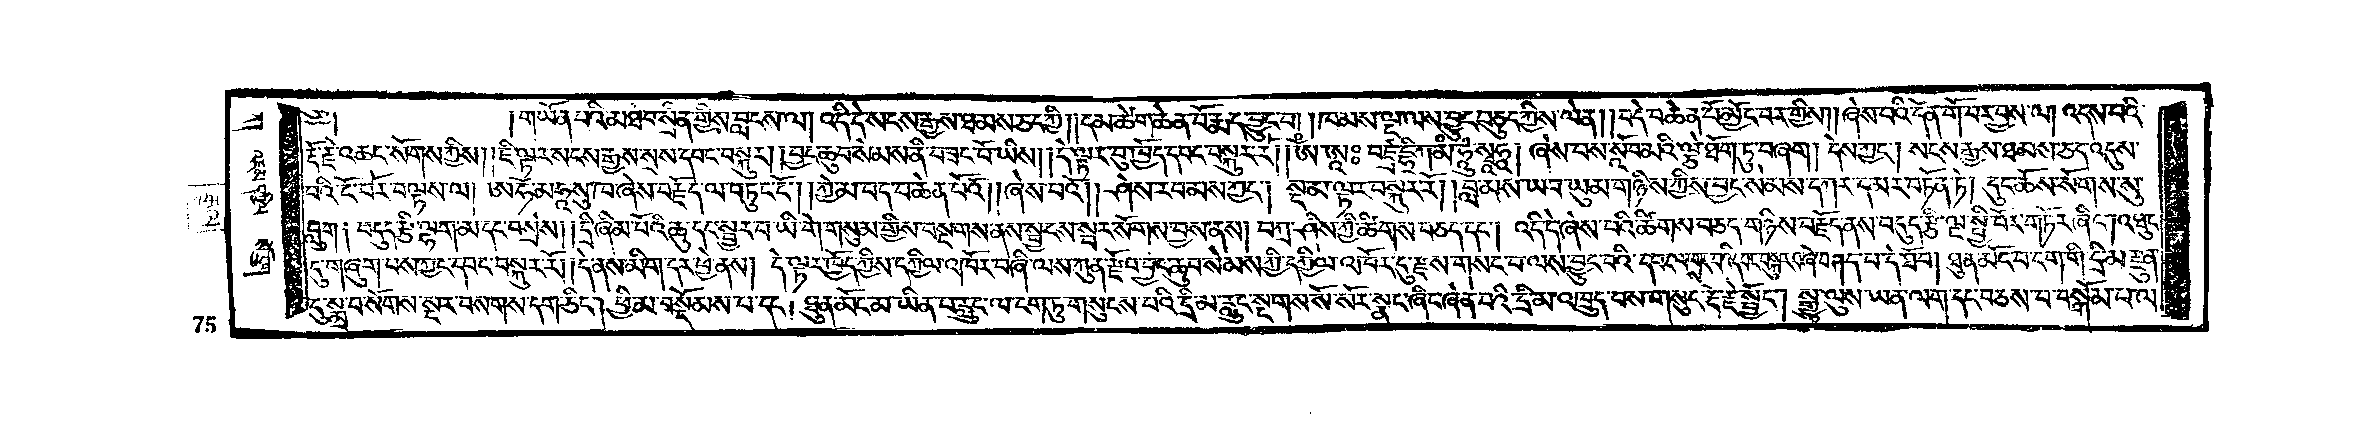༄༅། །གཡོན་པའི་མཐེབ་སྲིན་གྱིས་བླངས་ལ། འདི་དེ་སངས་རྒྱས་ཐམས་ཅད་ཀྱི། །དམ་ཚིག་ཆེན་པོ་རྨད་བྱུང་བ། །ཁམས་ལྔ་ལས་བྱུང་བཅུད་ཀྱིས་ལེན། །བདེ་བ་ཆེན་པོ་མྱོང་བར་གྱིས། །ཞེས་པའི་དོན་གོ་བར་བྱས་ལ། འདས་པའི་
རྡོ་རྗེ་འཆང་སོགས་ཀྱིས། །ཇི་ལྟར་སངས་རྒྱས་སྲས་དབང་བསྐུར། །བྱང་ཆུབ་སེམས་ནི་བཟང་པོ་ཡིས། །དེ་ལྟར་བུ་ཁྱོད་དབང་བསྐུར་རོ། །ཨོཾ་ཨཱཿ བྫྲ་དྷྲི་ཀ་མཾ་ཧཱུཾ་སྭཱ་ཧཱ། ཞེས་པས་སློབ་མའི་ལྕེ་ཐོག་ཏུ་བཞག །དེས་ཀྱང་། སངས་རྒྱས་ཐམས་ཅད་འདུས་
པའི་ངོ་བོར་བལྟས་ལ། ཨ་ཧོ་མ་ཧཱ་སུ་ཁ་ཞེས་བརྗོད་ལ་བཏུང་ངོ། །ཀྱེ་མ་བདེ་བ་ཆེན་པོའོ། །ཞེས་པའོ། །ཤེས་རབ་མས་ཀྱང་། སྔ་མ་ལྟར་བསྐུར་རོ། །བླ་མས་ཡབ་ཡུམ་གཉིས་ཀྱིས་བྱང་སེམས་དཀར་དམར་བཏོན་ཏེ། དུང་ཆོས་སོགས་སུ་
བླུག །བདུད་རྩི་ལྷག་མ་དང་བསྲེས། །དྲི་ཞིམ་པོའི་ཆུ་དང་སྦྱར་བ་ཡི་གེ་གསུམ་གྱིས་བསྔགས་ནས་སྦྱངས་སྦར་སོགས་བྱས་ནས། བཀྲ་ཤིས་ཀྱི་ཚིགས་བཅད་དང་། འདི་དེ་ཞེས་པའི་ཚིགས་བཅད་གཉིས་བརྗོད་ནས་བདུད་རྩི་ལྔ་སྤྱི་བོར་གཏོར་ཞིང་། འཐུང་
དུ་གཞུག་པས་ཀྱང་དབང་བསྐུར་རོ། །དེ་ནས་མིག་དར་ཕྱེ་ནས། དེ་ལྟར་ཁྱོད་ཀྱིས་དཀྱིལ་འཁོར་བཞི་ལས་ཀུན་རྫོབ་བྱང་ཆུབ་སེམས་ཀྱི་དཀྱིལ་འཁོར་དུ་རྫས་གསང་བ་ལས་བྱུང་བའི་དབང་གང་བའི་དབང་བསྐུར་བཞེ?་བཤད་པ་དེ་ཐོབ། ཐུན་མོང་བ་ངག་གི་དྲི་མ་རྫུན་
དུ་སྨྲ་བ་སོགས་སྔར་བསགས་དག་ཅིང་། ཕྱི་མ་བསྡོམས་པ་དང་། ཐུན་མོང་མ་ཡིན་པ་རླུང་ལ་ངག་ཏུ་གསུངས་པའི་དྲི་མ་རླུང་སྔགས་སོ་སོར་སྣང་ཞིང་ཞེན་པའི་དྲི་མ་འཁྲུད་པས་གསུང་རྡོ་རྗེ་སྦྱོང་། སྒྱུ་ལུས་ཡན་ལག་དང་བཅས་པ་བསྒོམ་པ་ལ་